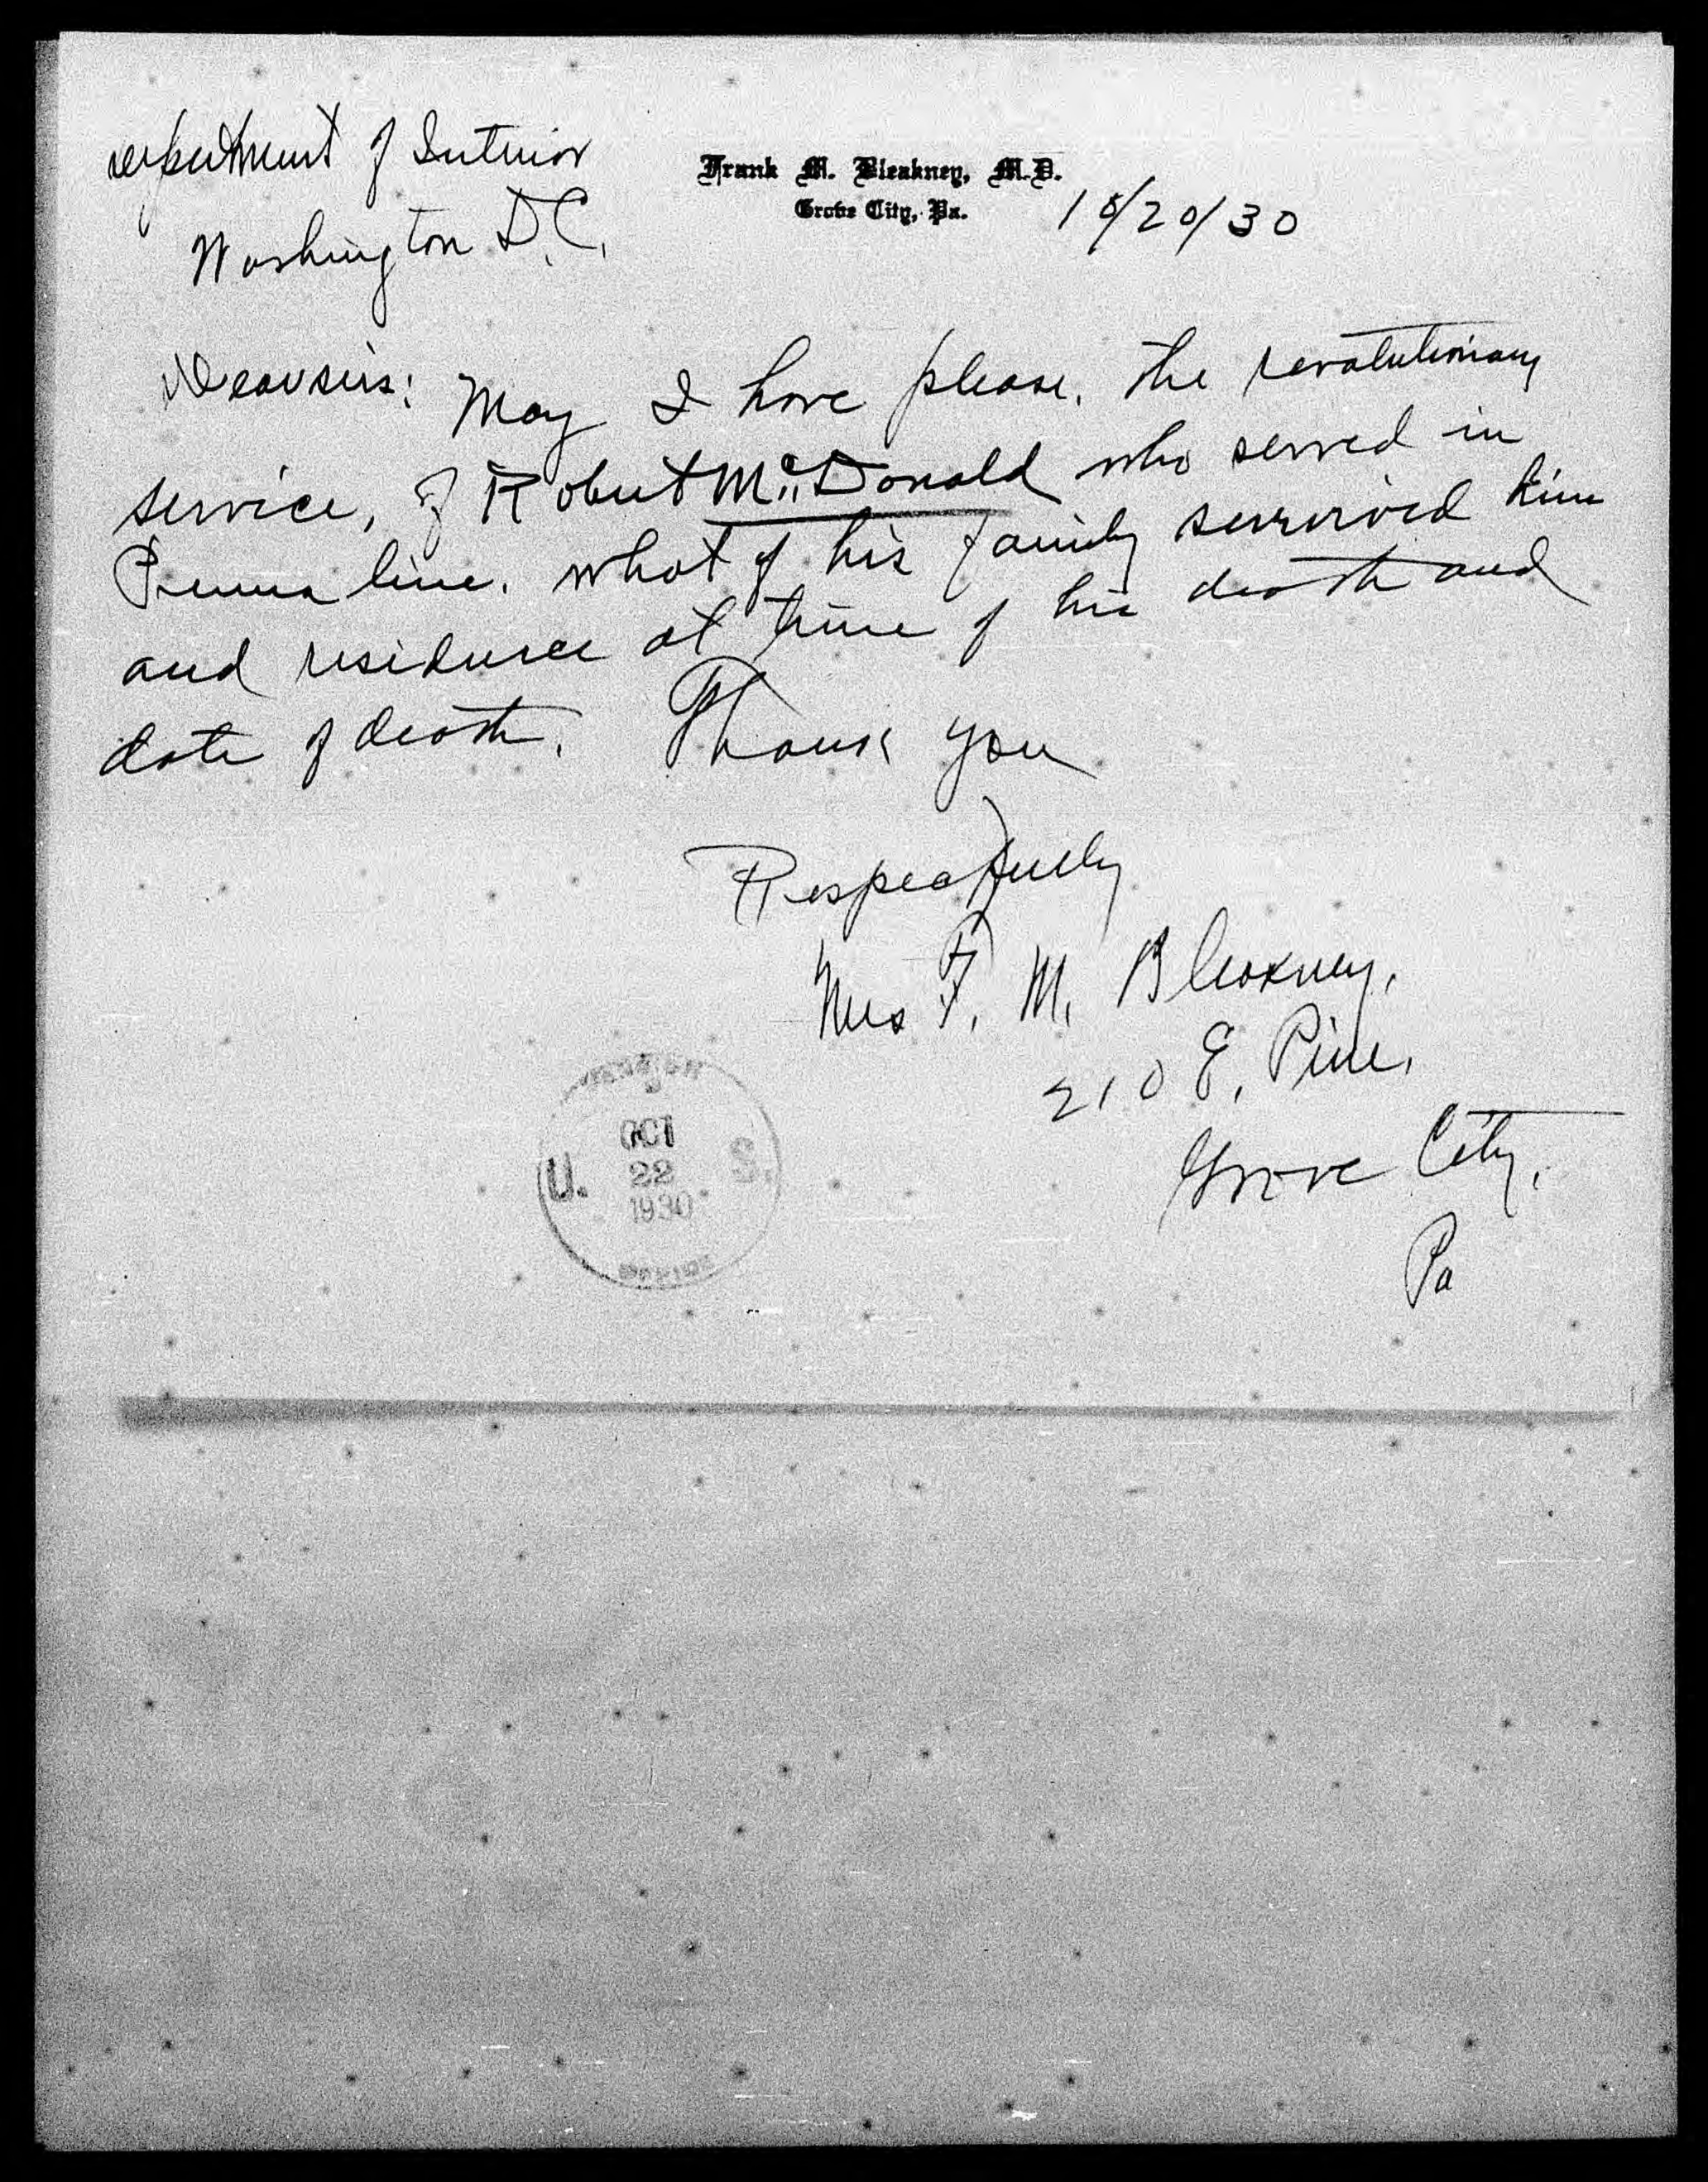Department of Interior Washington D.C. Frank M. Bleakney M.D. Grove City, Pa 10/20/30
Dear Sirs:
May I have please the revolutionary service of Robert McDonald who served in Pennsylvania Line what of his family survived him and resided at time of his death and date of death
Thank You
Respectfully
Mrs T.M. Bleaxney
210 E Pine
Grove City, Pa
Stamped: Pension Office U.S. Oct 22 1930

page: 58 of 59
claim: widow's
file: W 3703, for Robert Mc Donald, Pennsylvania